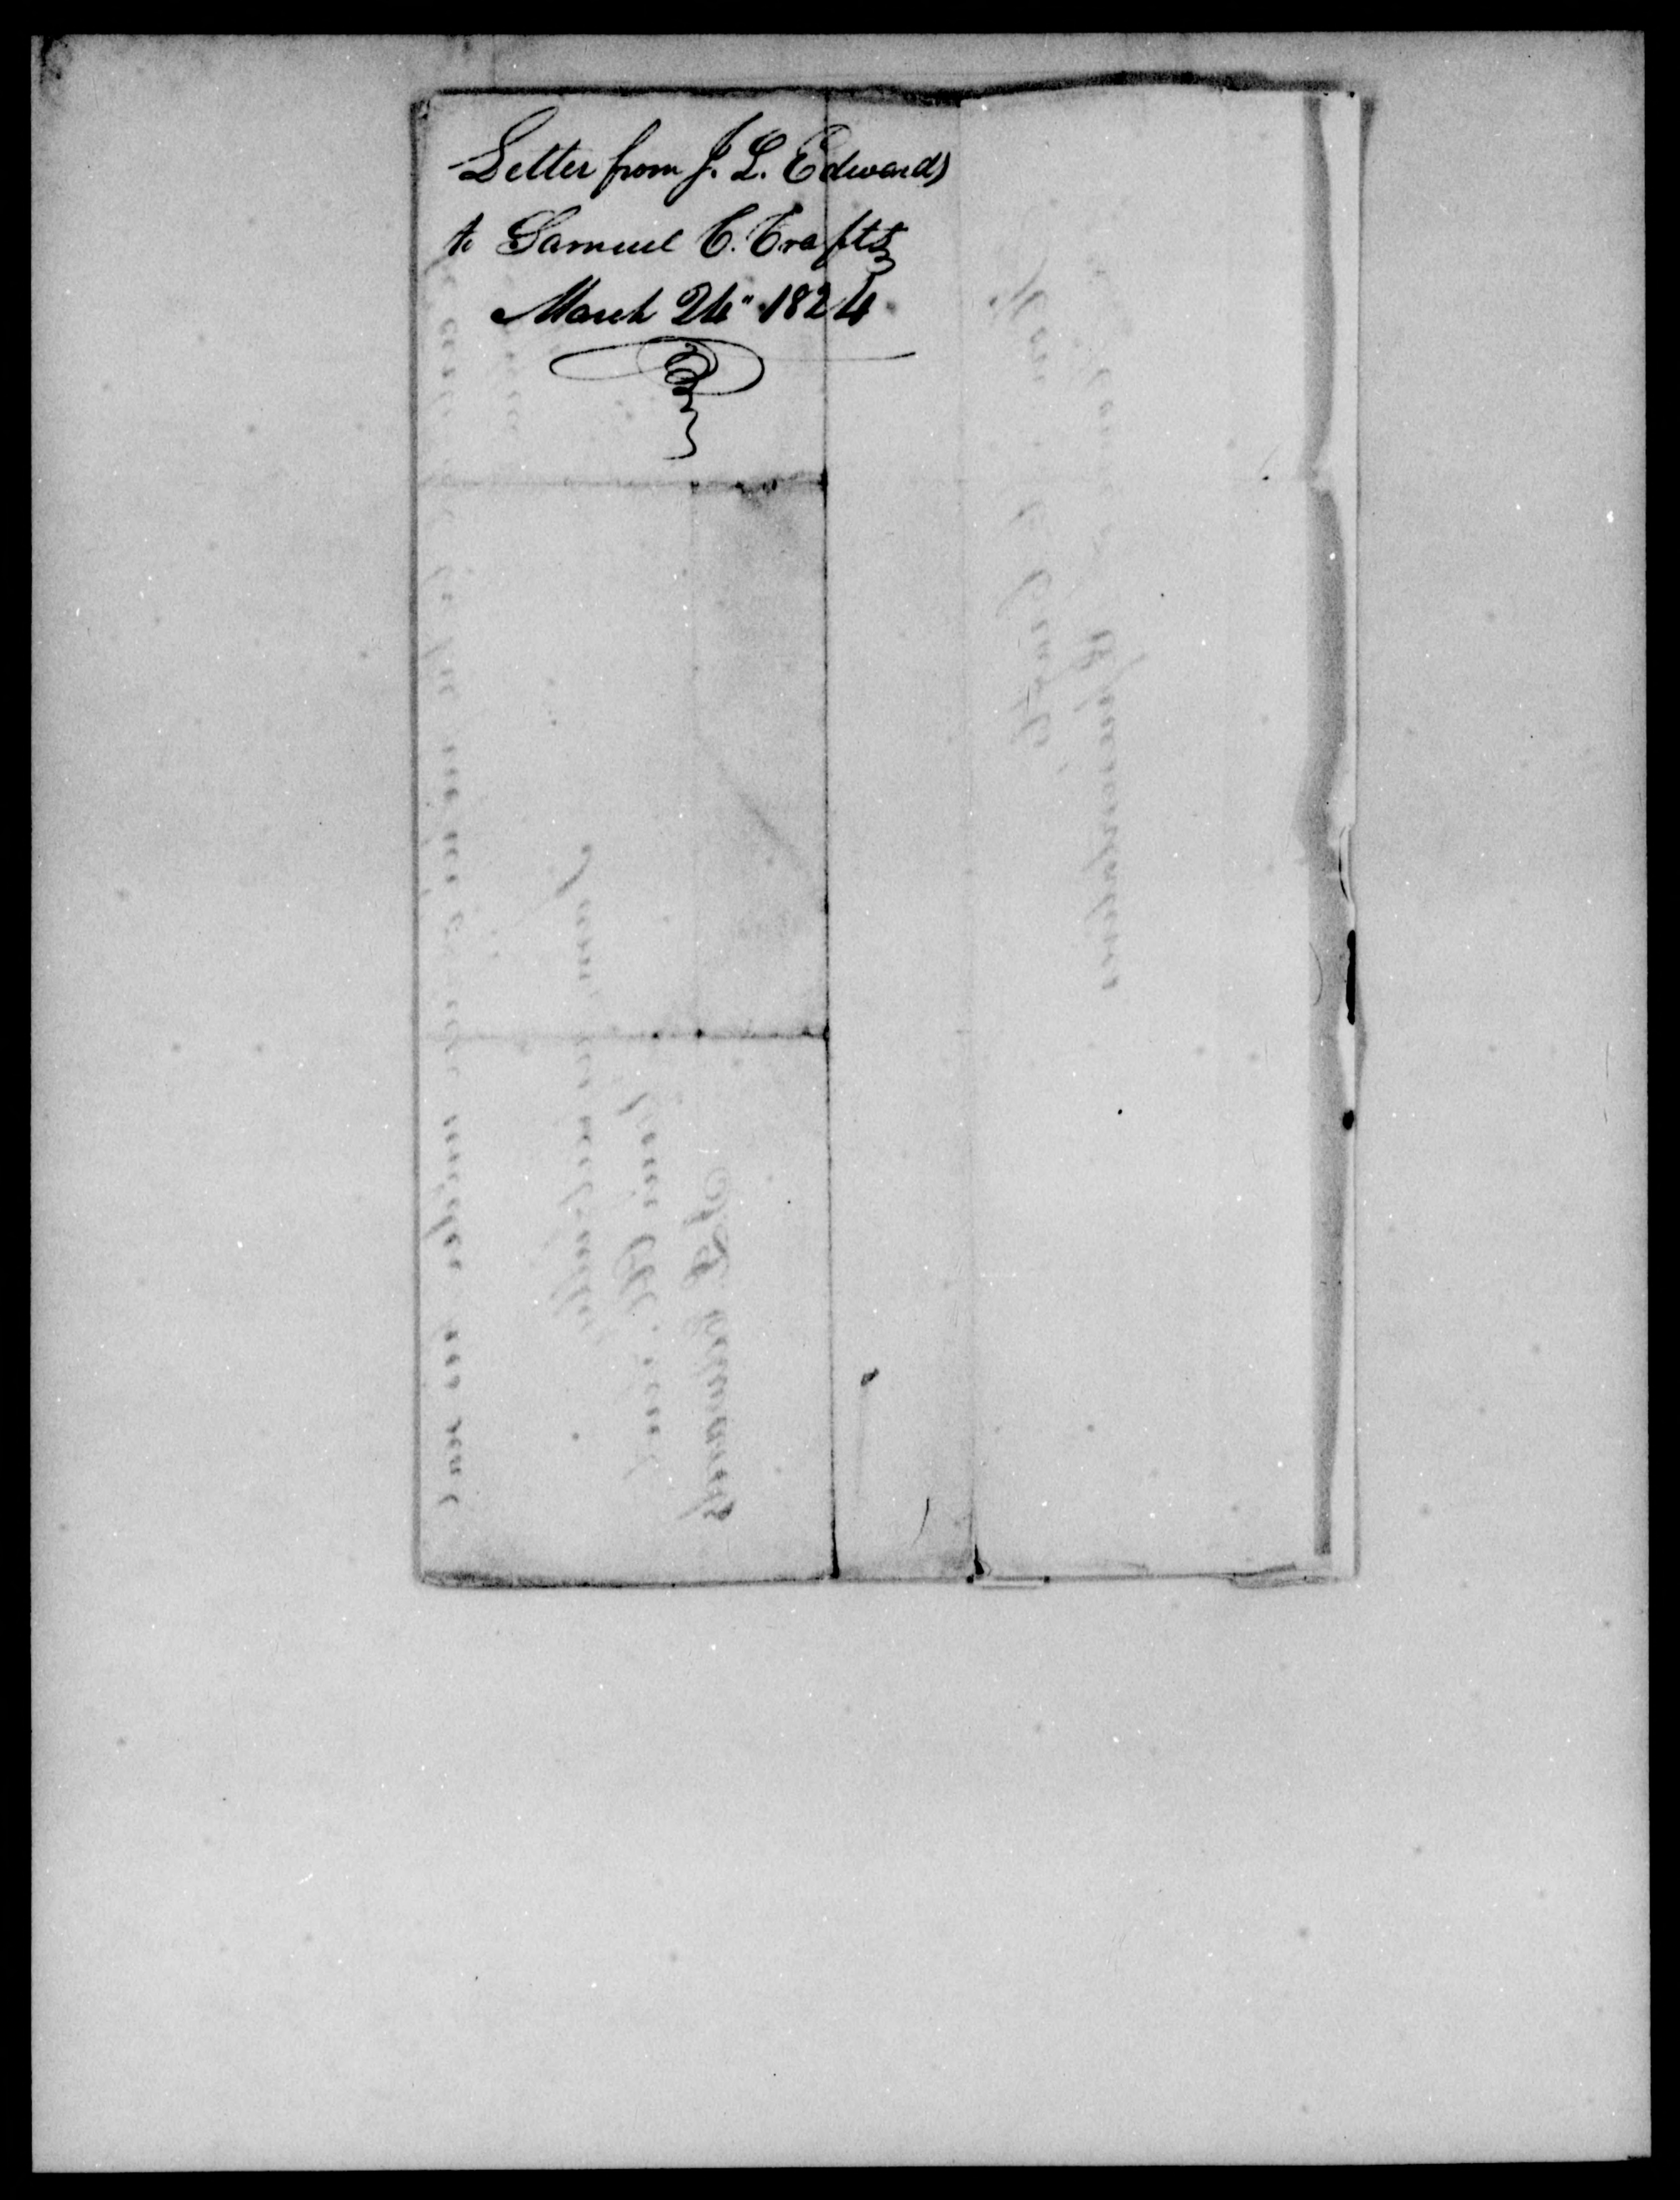Letter from J. L. Edwards
to Samuel C. Crafts
March 24 1824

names: J L Edwards, Samuel C Crafts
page: 28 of 87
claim: widow's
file: W. 25,966, Moses Weld, Mass.